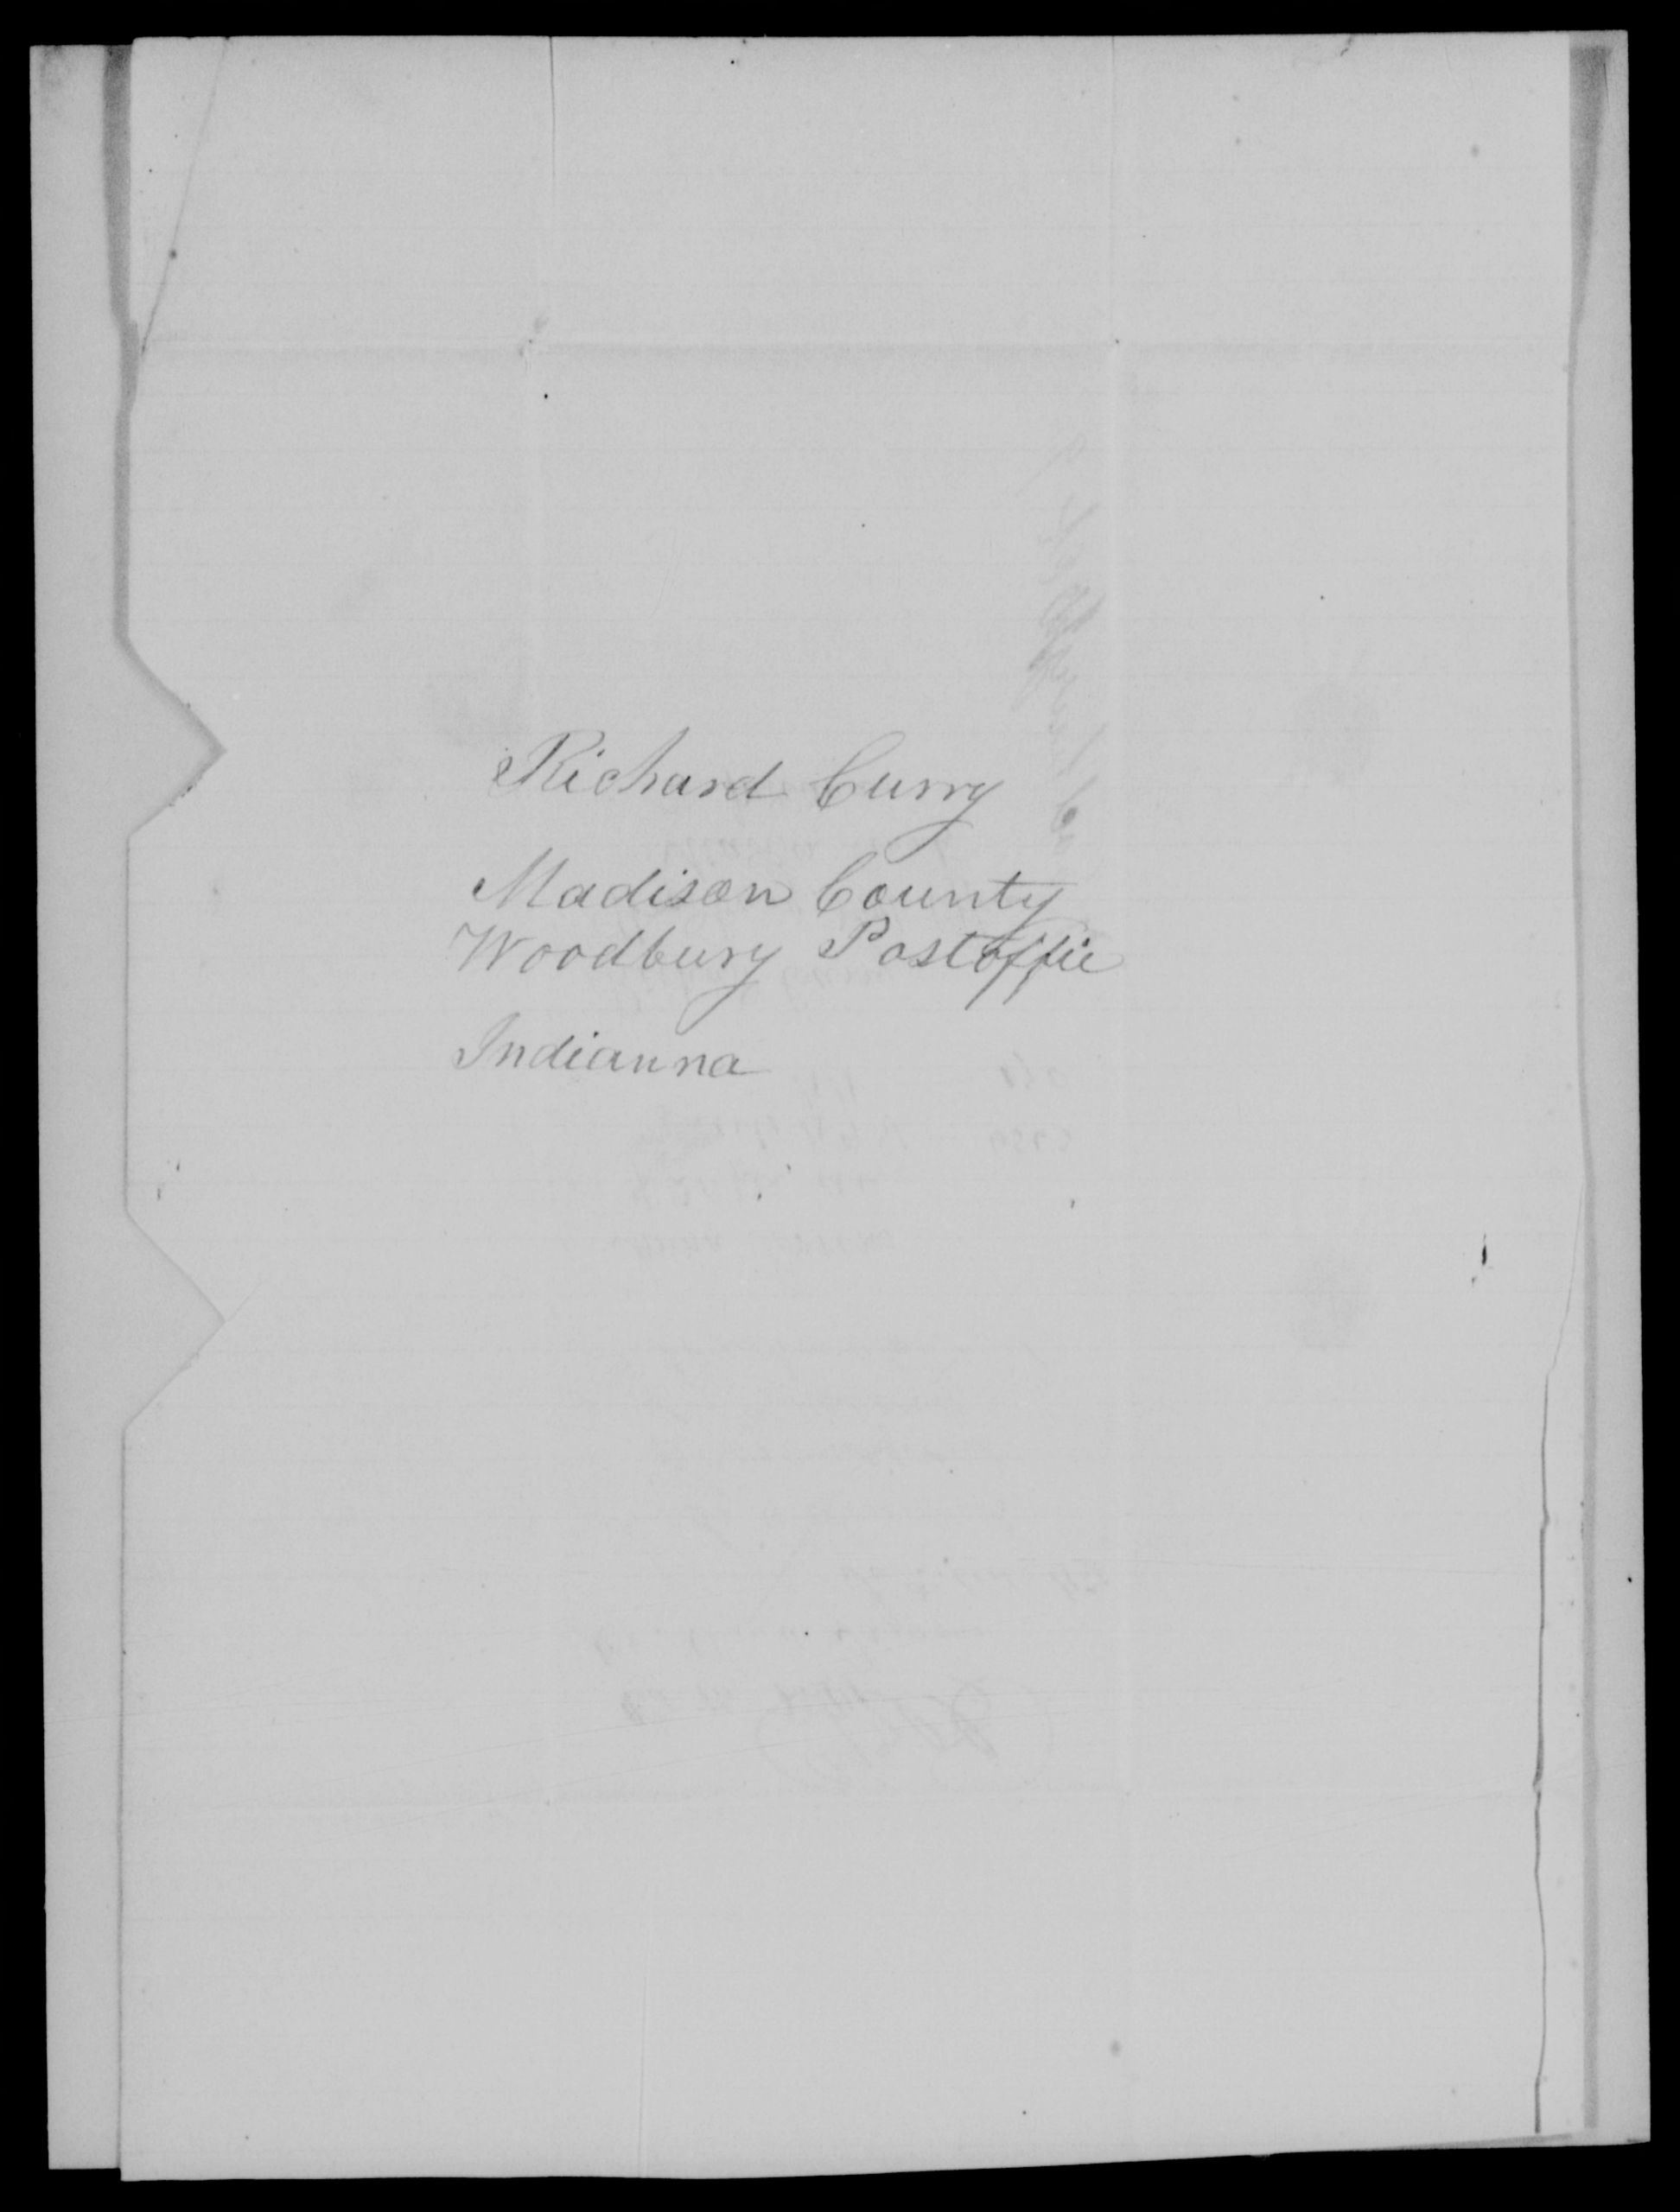Richard Curry
Madison County
Woodbury Post office
Indiana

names: Richard Curry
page: 25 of 27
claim: widow's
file: W. 9860, Samuel Torrons, Va.